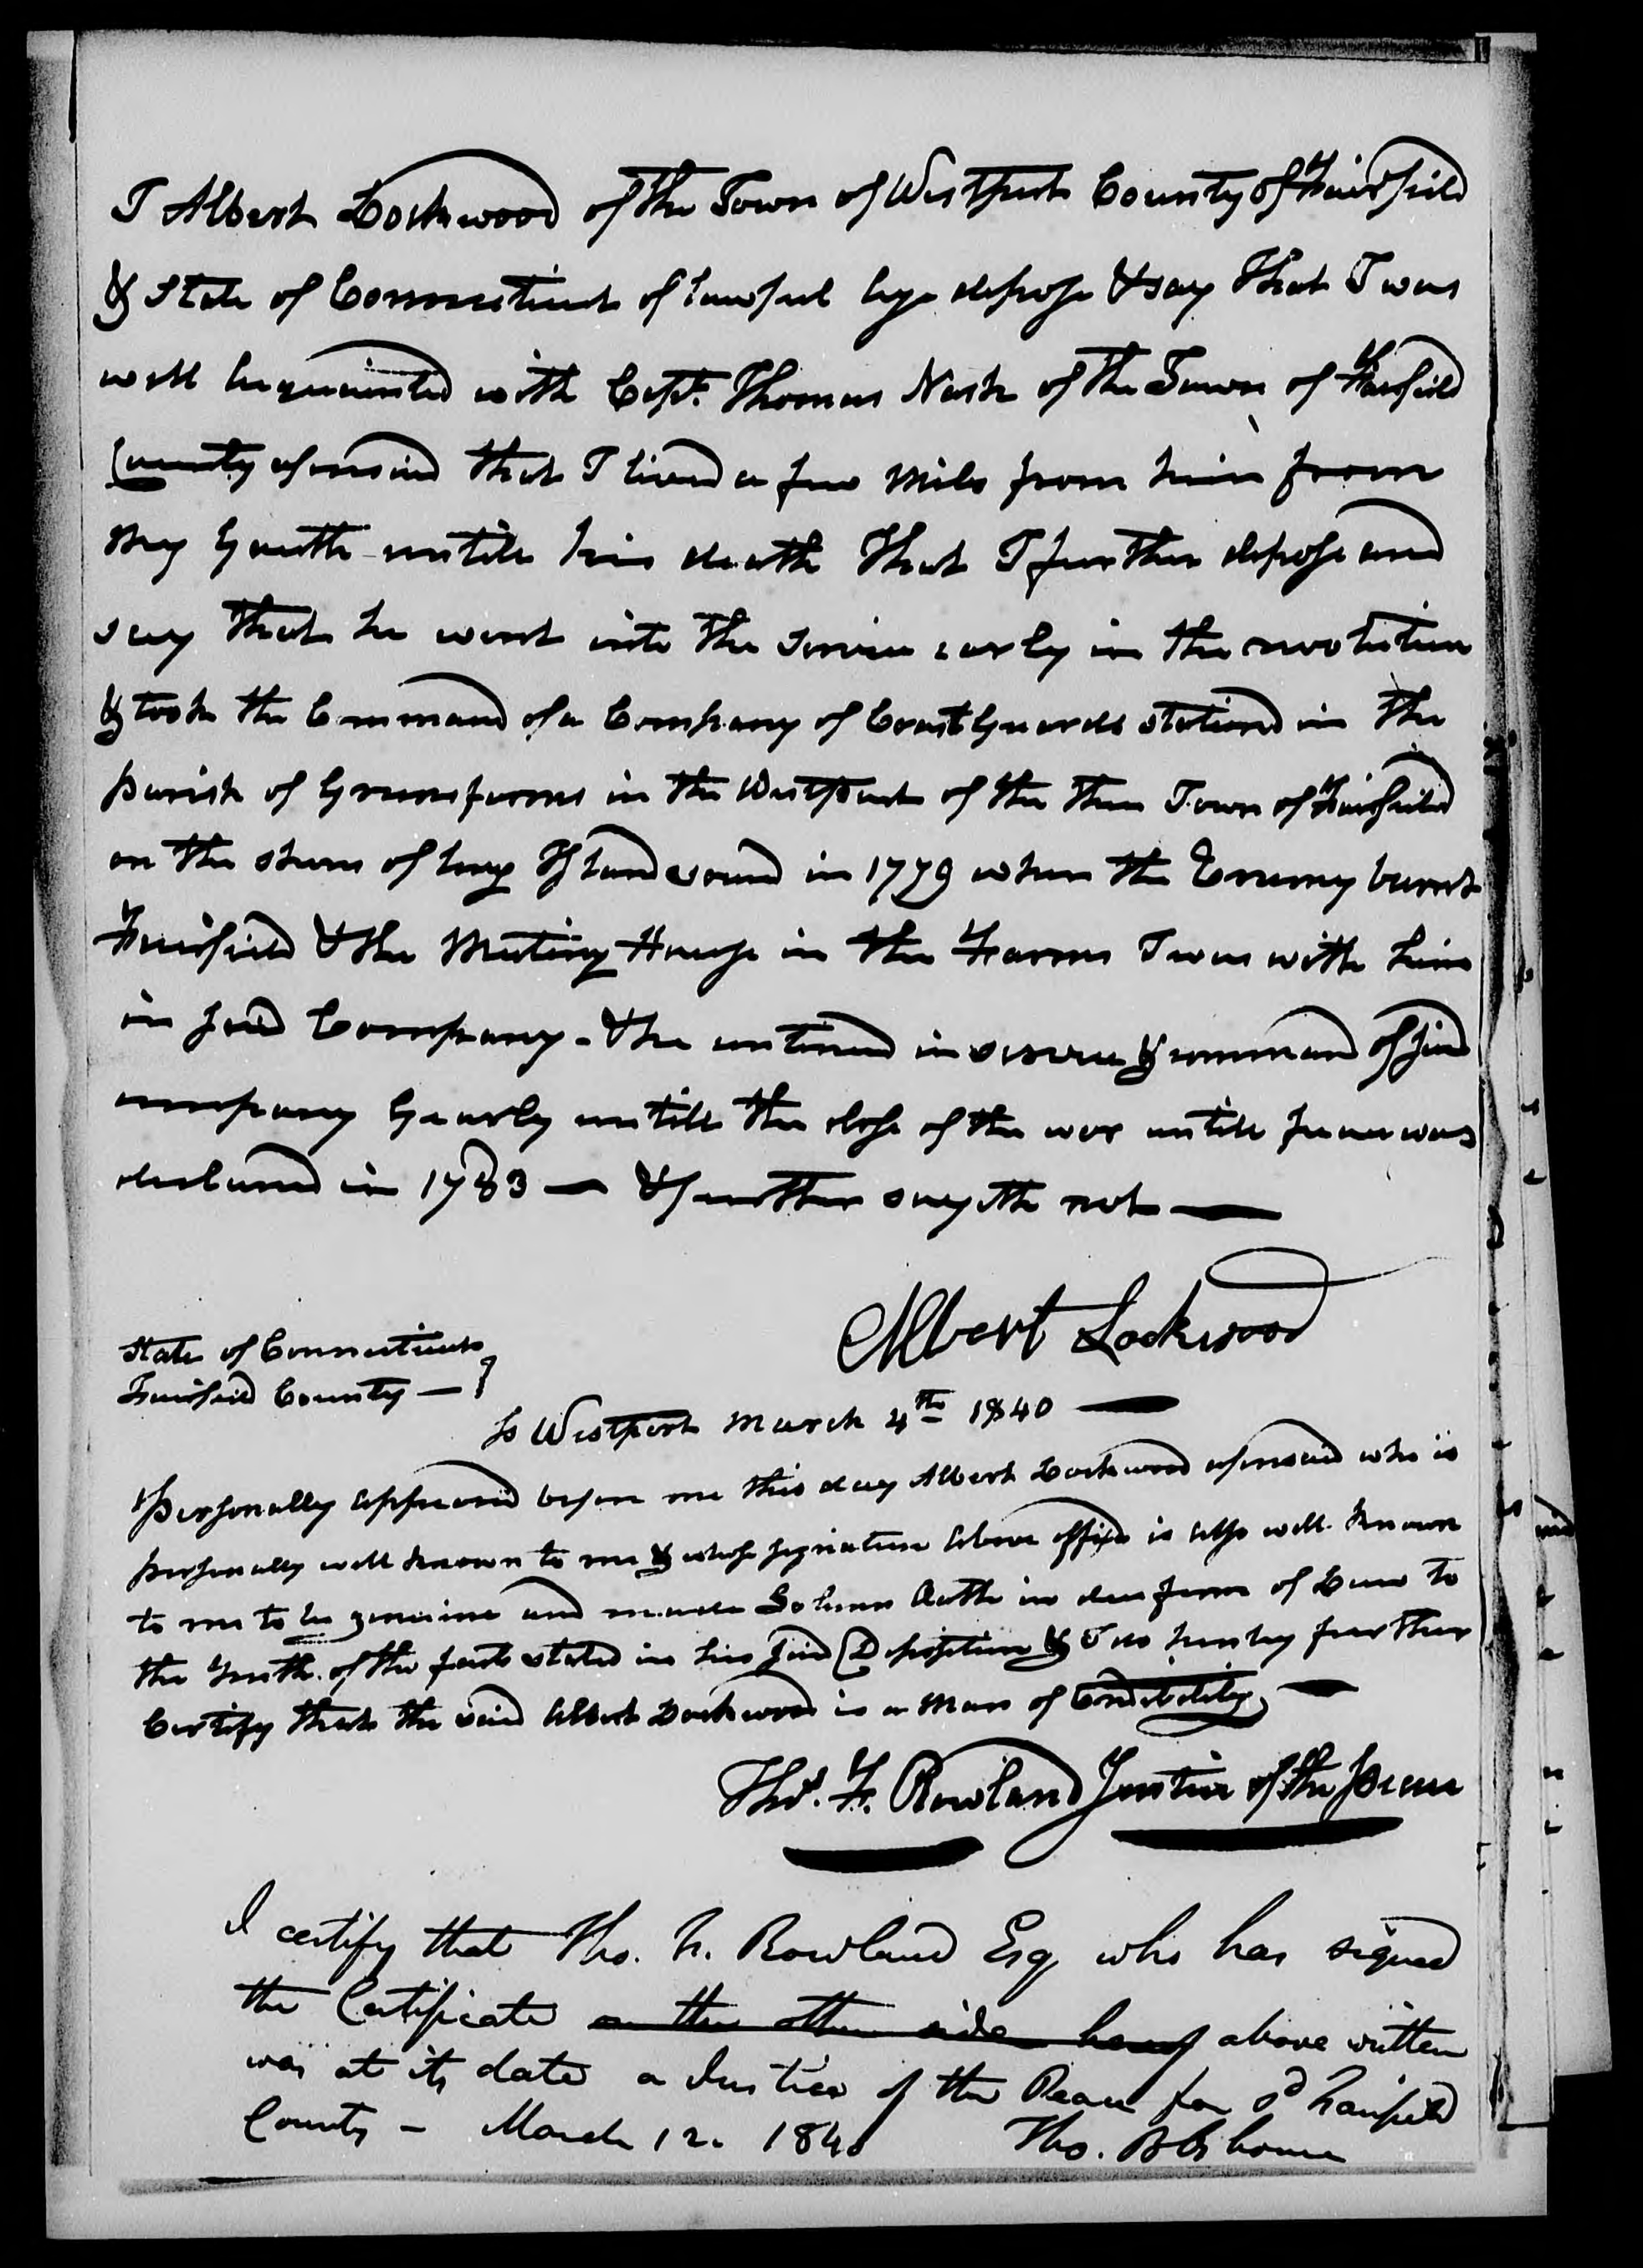I Albert Lockwood of the town of Westport County of Fairfield & state of Connecticut & being of lawful age depose & say that I was well acquainted with Capt. Thomas Nash of the town of Fairfield (county aforesaid this I lived a few miles from him from my youth until his death that I further depose and say that he went into the service early in the revolution & took the command of a company of grant guards stationed in the parish of [unk] formed in the west part of the town of Fairfield on the [unk] of [unk] of land around in 1779 when the enemy burns Fairfield & the mutiny [unk] in the farm [unk] with him in said company-the return in service & command of him) company [unk] until the [unk] of the war until [unk] was returned in 1783-and further saith not-

Albert Lockwood

State of Connecticut
Fairfield County}ss

In Westport March 4th, 1840-personally appeared before me this day Albert Lockwood aforesaid who is personally well known to me & his signature above affixed is also well known to me to be genuine and mine so his oath in due form of [unk] to the [unk] of the facts stated in his said deposition & is him by further certify that the said Albert Lockwood is a man of credibility.

Tho. F. Rowland Justice of the Peace

I certify that Tho. F. Rowland Esq who has signed the certificate above written was at its date a Justice of the Peace for sd Fairfield County-March 12, 1840

Tho. B. Osborne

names: Thomas Nash, Tho B Osborne, Thos F Rowland, Albert Lockwood, Tho F Rowland, Albert Lockwood, Albert Lockwood, Albert Lockwood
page: 36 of 69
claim: widow's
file: W. 25562, Abijah Elwood, Conn.